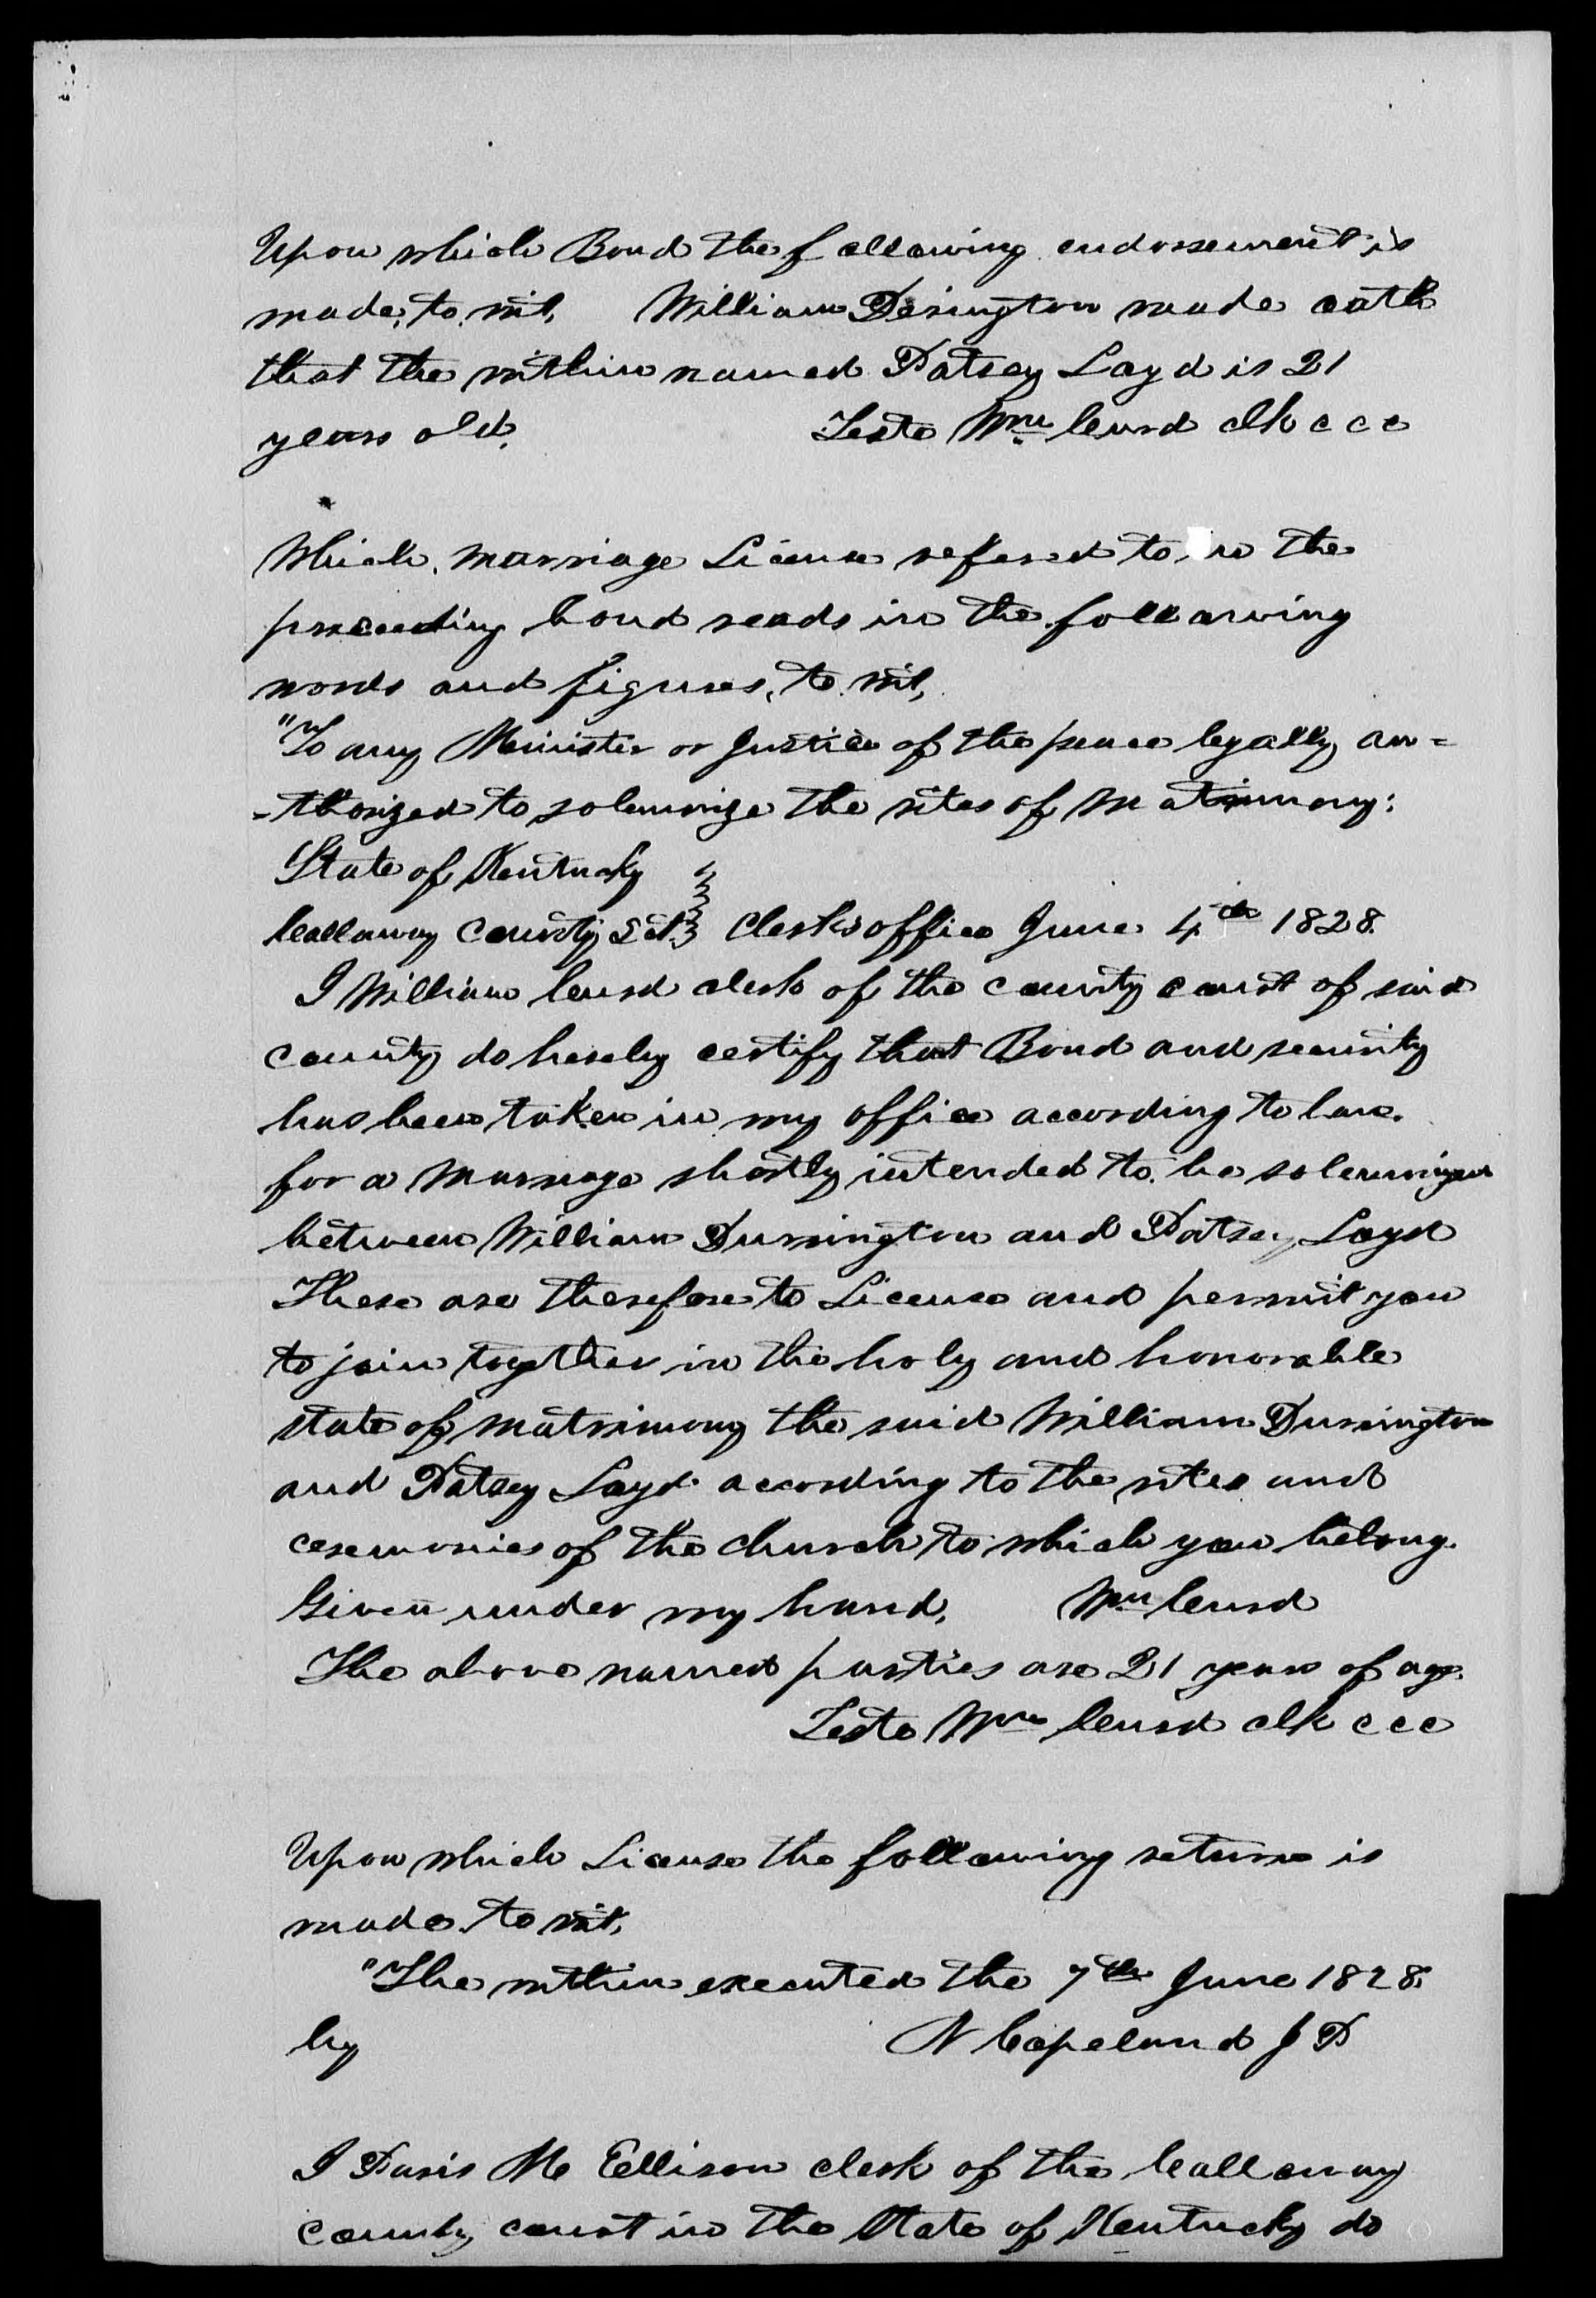Upon which bond the following endorsements is made to wit. William Derington made oath that the within named Patsy Loyd is 21 years old.

Test Wm Curd Cler CCC

Which marriage license referred to in the proceeding bond reads in the following words and figures to wit;
"To any minister of Justice of the Peace legally authorized to solemnizing the rites of matrimony: 

State of Kentucky
Calloway County
Clerks office June 4th 1828
I William Curd clerk of the county court of said county do hereby certify that bond and security has been taken in my office according to law for a marriage shortly intended to be solemnized between William Derington and Patsy Loyd. These are therefore to license and permit you to join together in the holy and honorable state of matrimony the said William Derington and Patsy Loyd according to the rites and ceremonies of the church to which you belong.

Given under my hand
Wm Curd
The above married parties are 21 years of age.
Test Wm Curd Clk CCC

Upon which License the following return is made to wit.

The within executed the 7th June 1828 by N Copeland JP

I Paris M Ellison Clerk of the Calloway County Court in the State of Kentucky do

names: Wm Curd, Wm Curd, William Derington, Wm Curd, Patsey Loyd, William Durrington, Paris M Ellison, Patsey Loyd, William Durrington, N Copeland, Patsey Loyd, William Curd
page: 26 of 51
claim: widow's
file: W. 27,409, William Dunnington, Md.